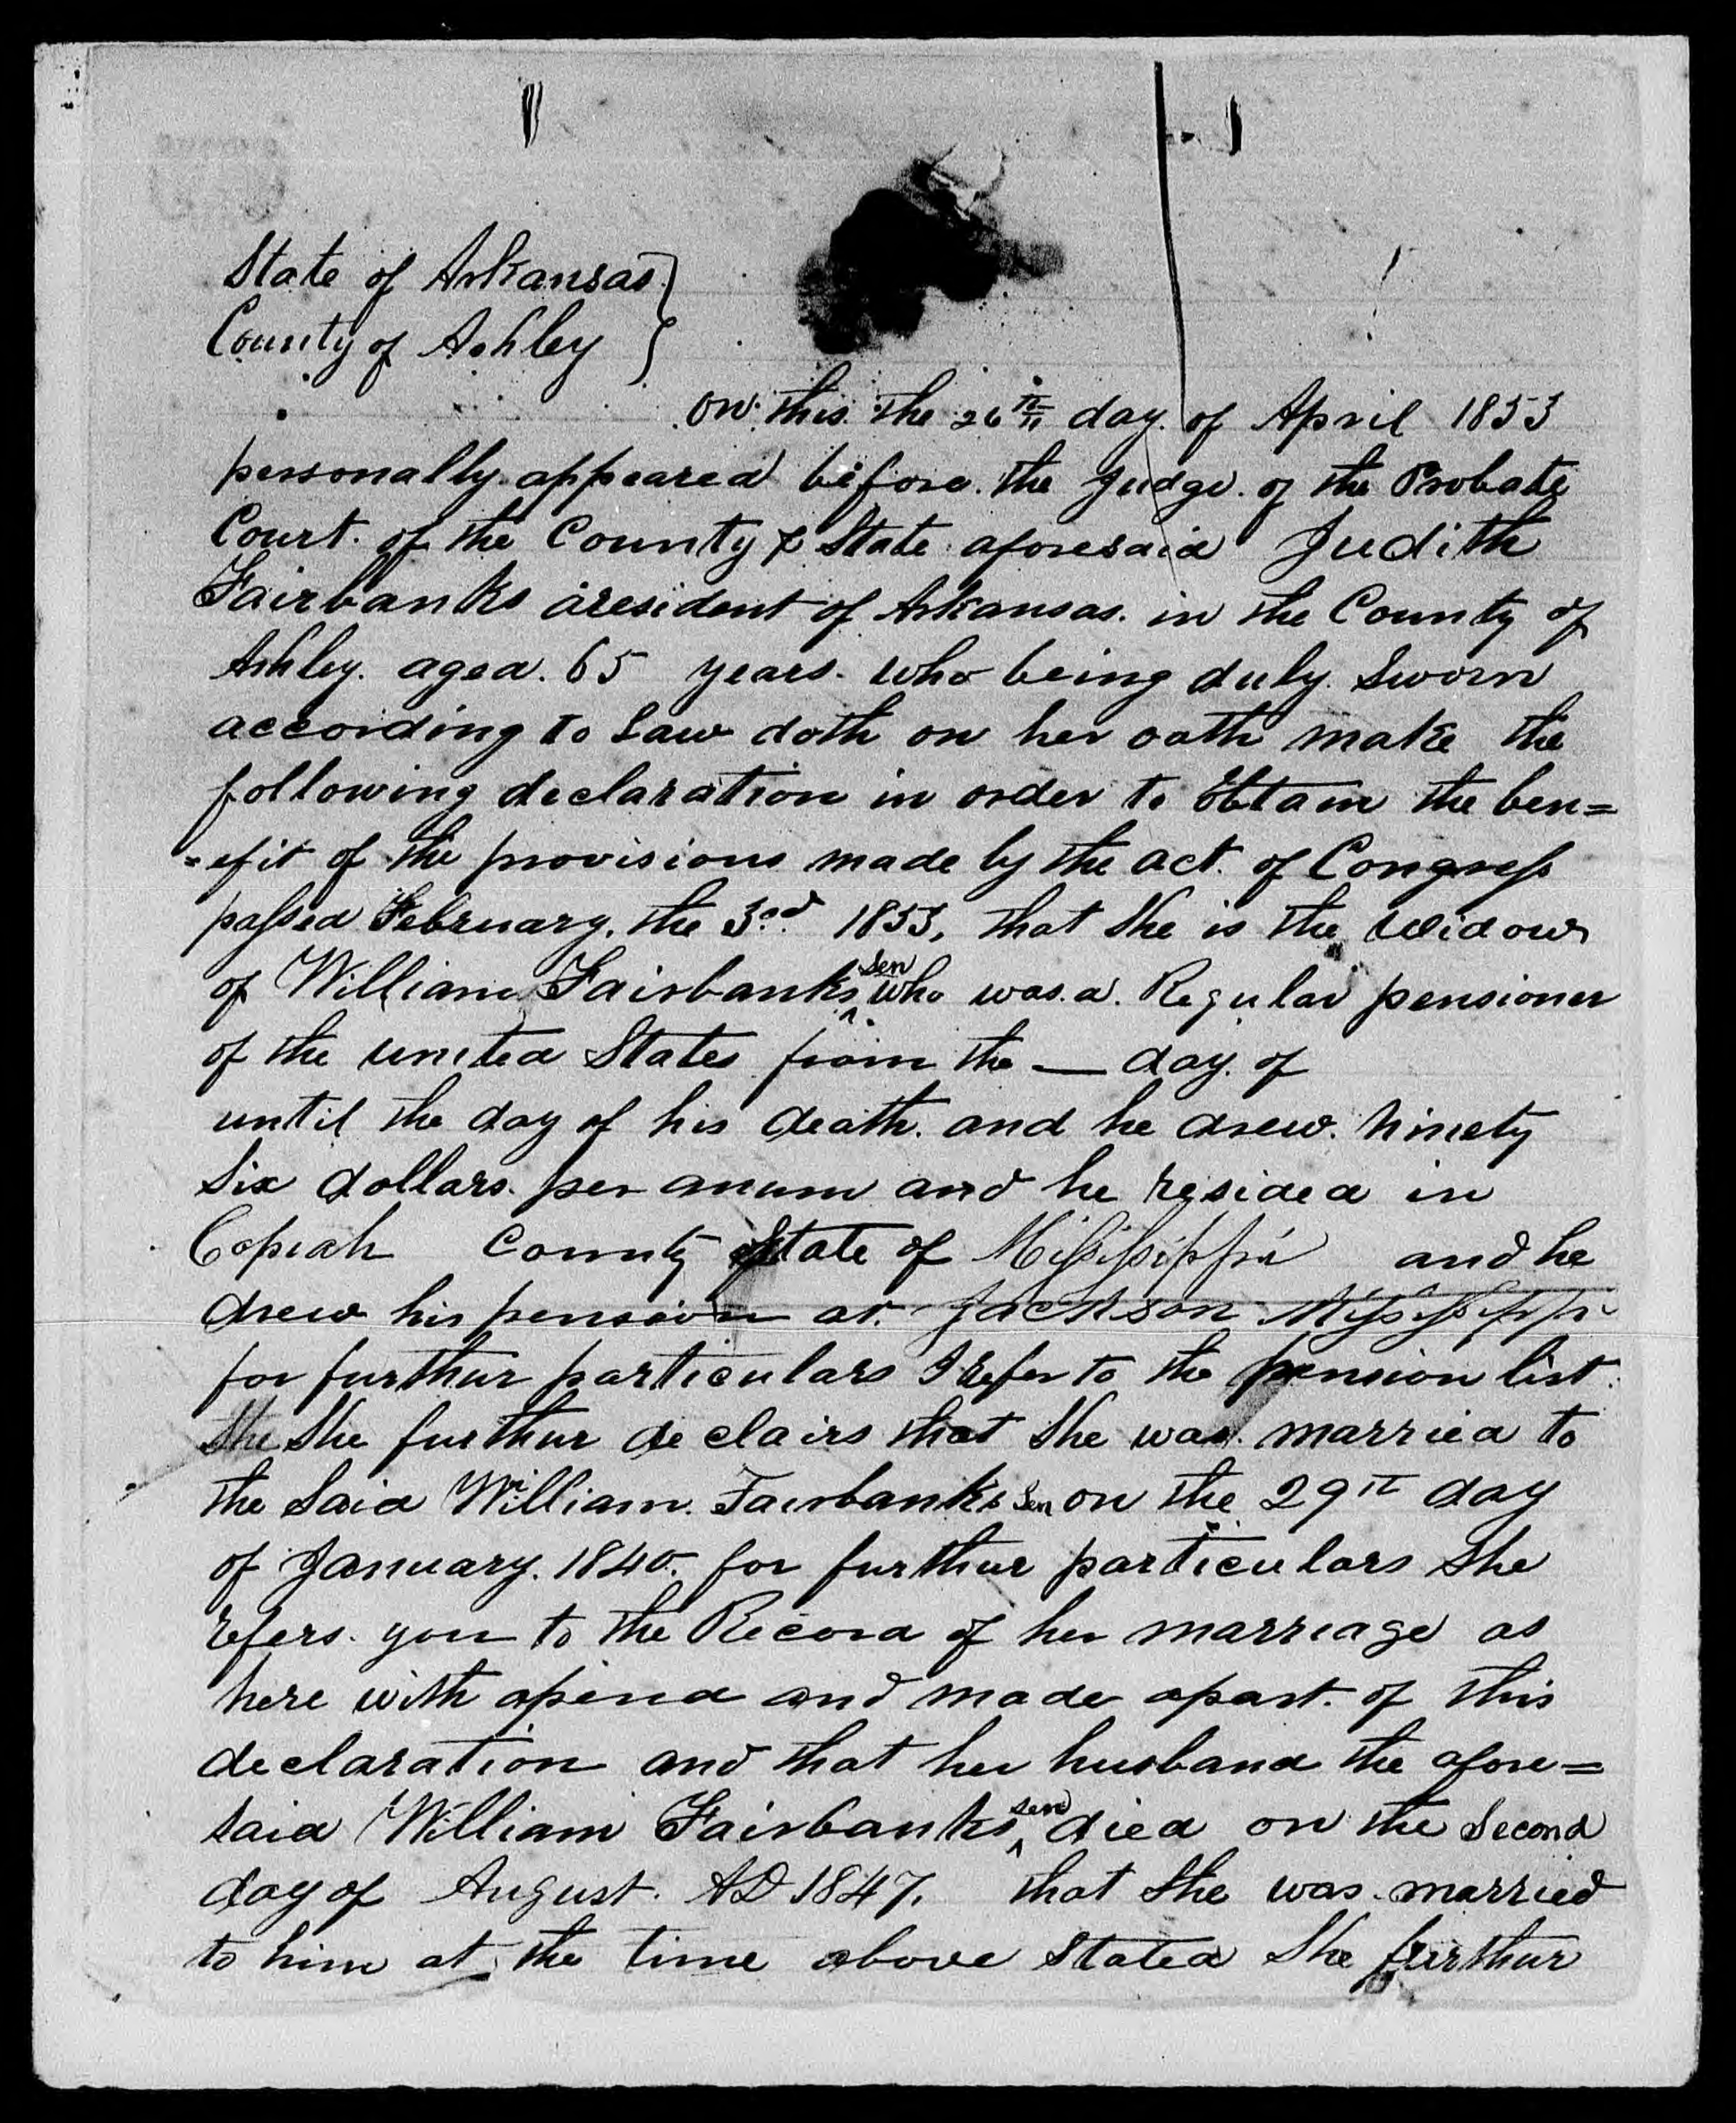State of Arkansas
County of Ashley
On this the 26th day of April 1853 personally appeared before the judge of the Probate Court of the County & State aforesaid Judith Fairbanks a resident of Arkansas in the County of Ashley aged 65 years who being duly sworn according to law doth on her oath make the following declaration in order to obtain the benefit of the provisions made by the act of Congress passed February the 3rd 1853, that she is the widow of William Fairbanks Sen who was a Regular pensioner of the United States from the __ day of [blank] until the day of his death and he drew ninety six dollars per anum and he resided in Copiah County State of Mississippi and he drew his pension at Jackson Mississippi for further particulars I refer to the pension list. She further declairs that she was married to the said William Fairbanks Sen on the 29th day of January 1840 for further particulars she refers you to the Record of her marriage as here with opened and made apart of this declaration and that her husband the aforesaid William Fairbanks Sen died on the second day of August SD 1847, that she was married to him at the time above stated. She further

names: Judith Fairbanks, William Fairbanks, William Fairbanks, William Fairbanks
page: 2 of 17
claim: rejected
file: R. 3423, William Fairbanks, R.I.